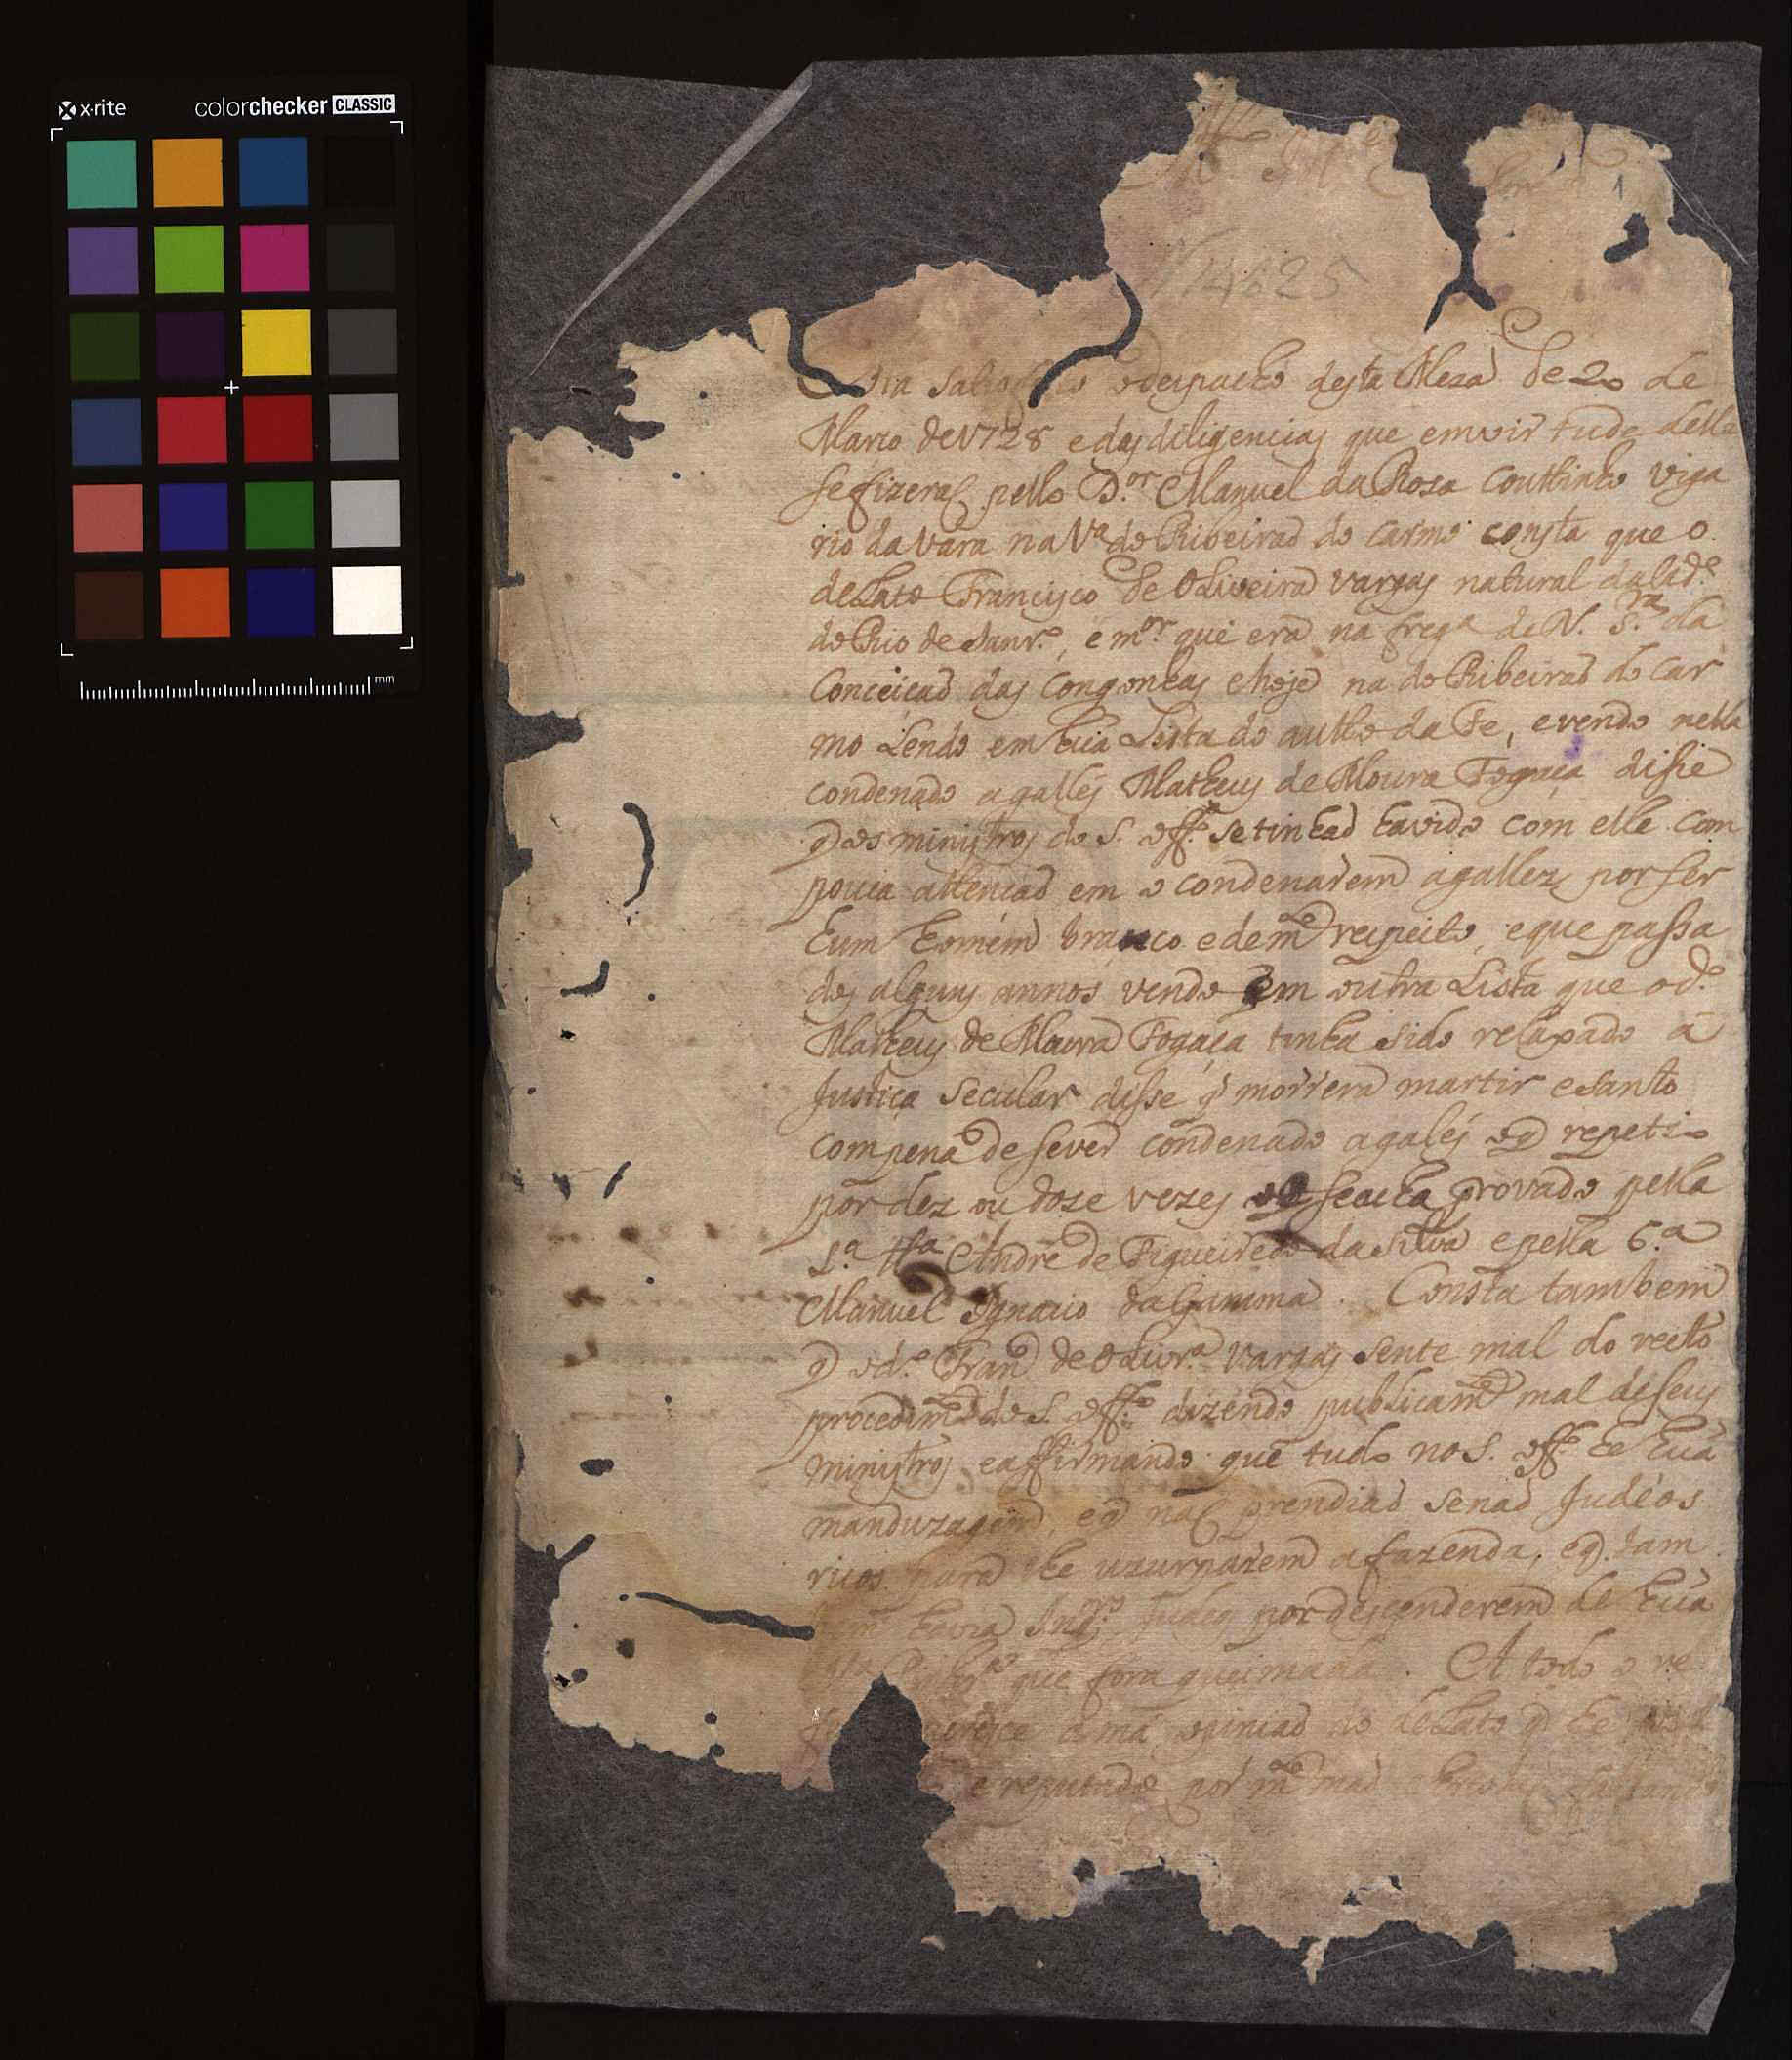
Esta satisf to o despacho desta Meza de 20 de
Março de 1728 e das diligencias que em virtude delle
se fizeraõ pello D.or Manuel da Roza Couttinho viga
rio da vara na Va do Ribeiraõ do carmo consta que o
deLato Francisco de OLiveira vargas natural da Cid.e
do Rio de Ianr.o, e m.or que era na frega de N. S.ra da
Conceiçaõ das Congonhas e hoje na do Ribeiraõ do car
mo Lendo em huā Lista do autto da Fe, e vendo nella
condenado a gallés Matheus de Moura Fogaça disse
q̄ os ministros do s. off.o se tinhaõ havido com elle com
pouca attençaõ em o condenarem a gallez por ser
hum homem branco e de mto respeito, e que passa
dos alguns annos vendo em outra Lista, que o d.o
Matheus de Moura Fogaça tinha sido relaxado á
Justiça Secular disse q̄ morrera martir e santo
com pena de se ver condenado a galés o q̄ repetio
por dez ou doze vezes o q̄ se acha provado pella
1.a tt.a Andre de Figueiredo da Silva e pella 6.a
Manuel Ignacio da Gamma. Consta tambem
q̄ o d.o Fran.co de OLivr.a vargas sente mal do recto
procedim.to do S. off.o dizendo publicam.te mal de seus
ministros e affirmando que tudo no s. off.o he huā
manduzagem, e q̄ naõ prendiaõ senaõ Judéos
ricos para lhe uzurparem a fazenda, e q̄ tam
bem havia Inq.ors Judeos por descenderem de huā
Ma Pinhra que fora queimada. A todo o re
acresce a má opiniaõ do delato q̄ he
e reputado por mto mao christaõ faltando
